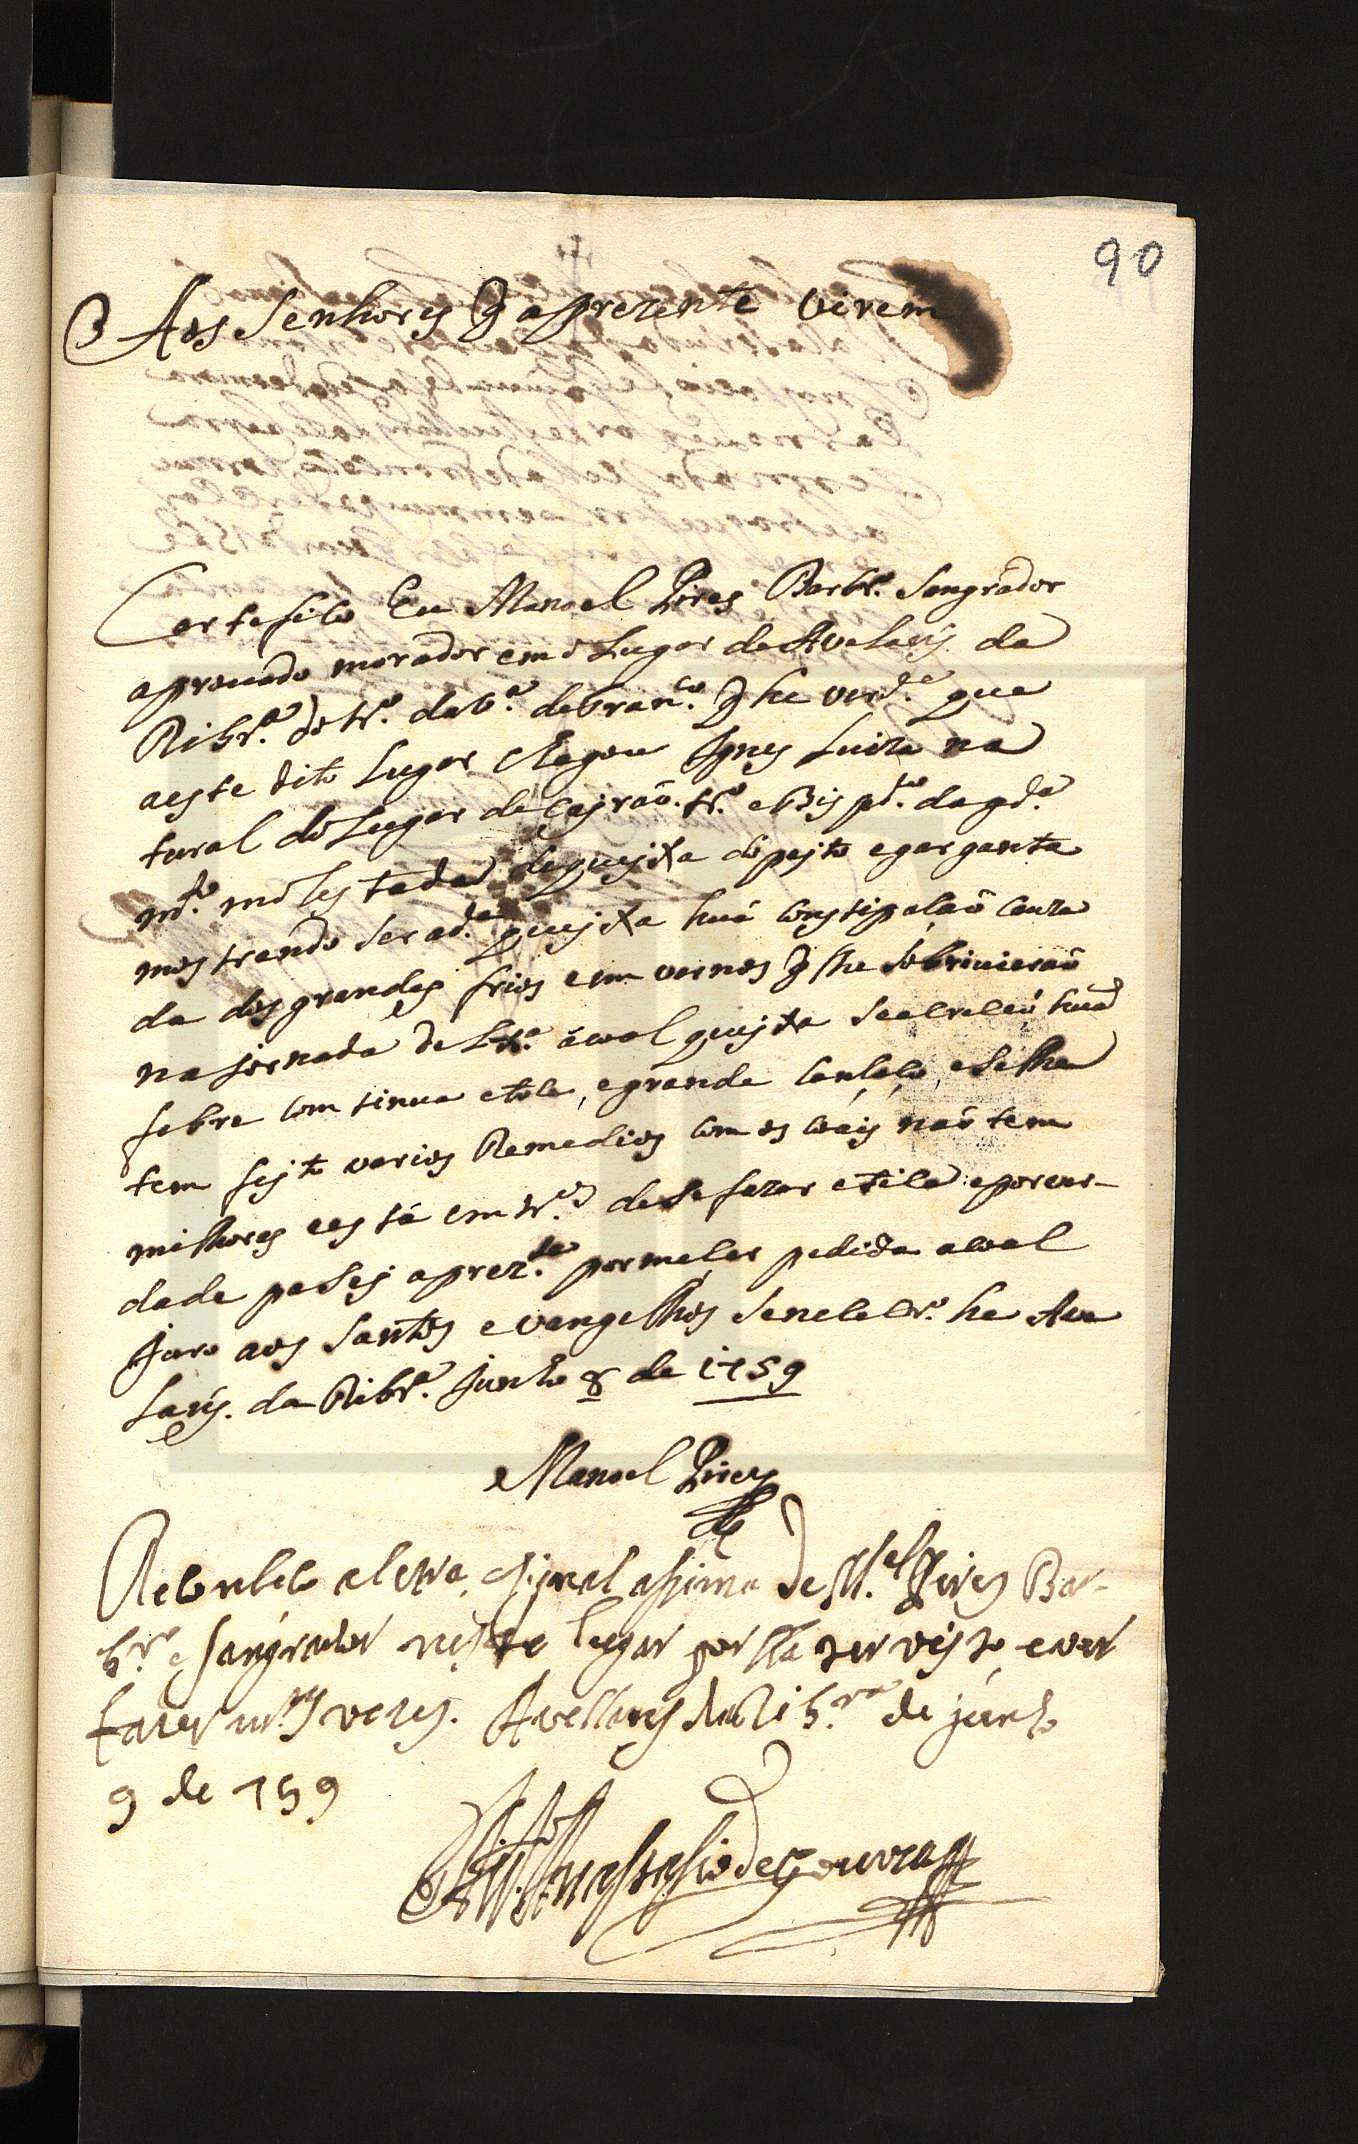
Aos senhores q̄ a prezente virem
Certefico Eu Manoel Pires Barbr.o sangrador
aprouado morador em o Lugar de Avelans̄ da
Ribr.a do tr.o da v.a de Tran.co q̄ hé verd.e que
a este dito Lugar chegou Jgnes Luiza na
tural do Lugar de cajraõ. tr.o e Bispd.o da gd.a
m.to molestada de quejiXa de pejto e garganta
mostrando ser a d.a quejXa huā constipaÇaõ cauza
da dos grandes frios e imvernos q̄ lhe sobriuieraõ
na jornada de Lx.a á coal quejXa se acreceó, huā
febre comtinua e toce, e grande Cançaço, e Se lhe
tem fejto varios Remedios com os coais naõ tem
milhoras e está em tr.os de se fazer etica e por uer
dade pasej a prez.te por me Çer pedida a coal
Juro aos santos evangelhos se neCecr.o he Aue
lan̄s da Ribr.a Junho 8 de i759
Manoel Pires
ReconheÇo a letra, e signal assima de M.el Pires Bar
b.ro e sangrador neste lugar por lha ter visto, e ver
fazer m.tas vezes. Avellans da Rib.ra de junho
9 de 759
